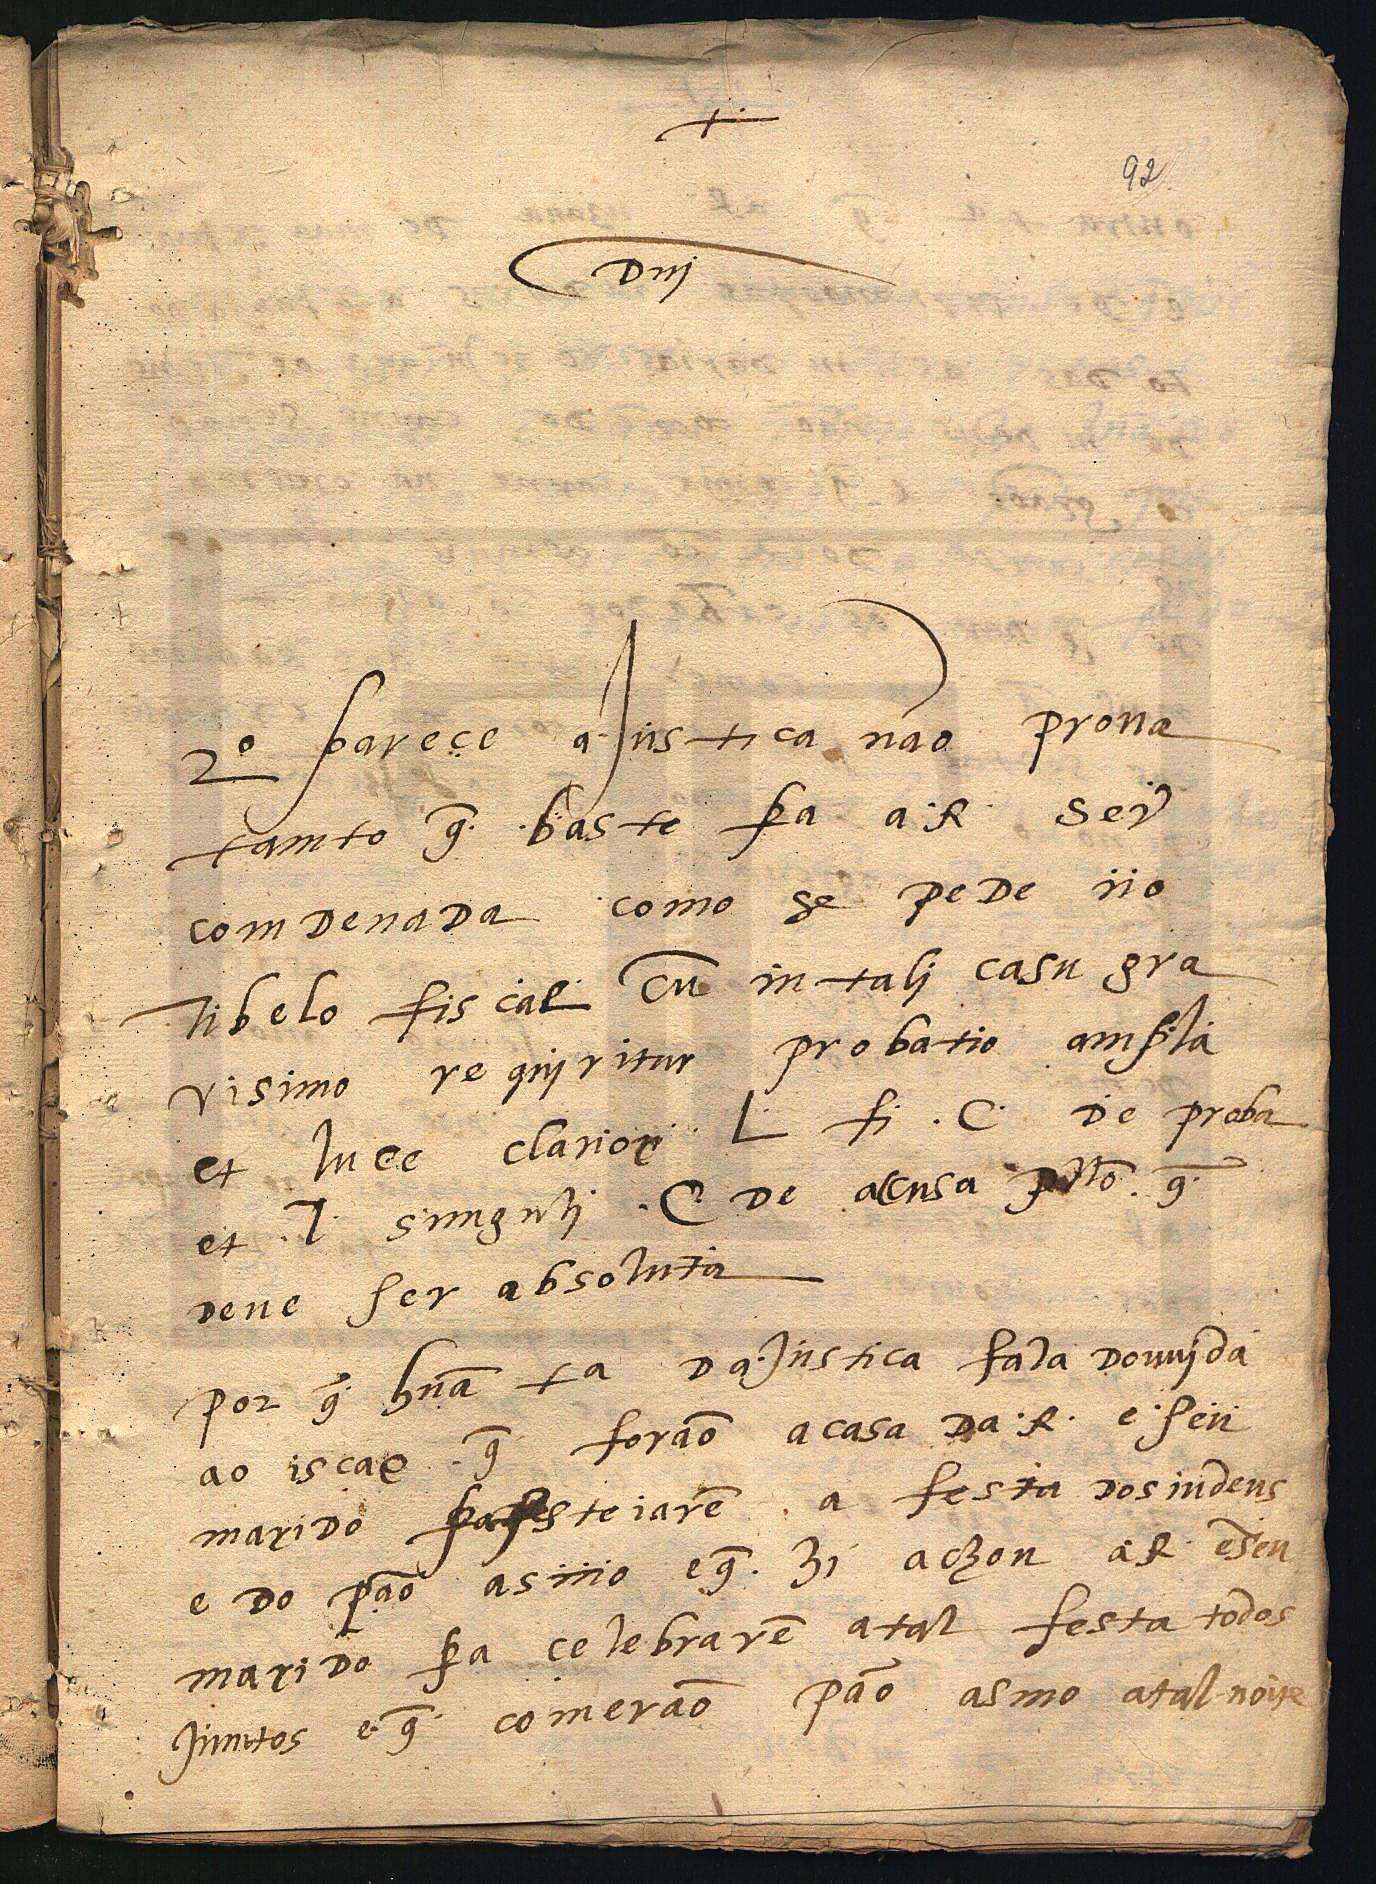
D̄nj
2o parece a Justica não proua
tamto q̄ baste ꝑa a .R. ser
comDenaDa como se peDe no
libelo fiscal c̄u in talj casu gra
visimo requjritur probatio ampla
et luce clarior L fi .C. De proba
et .l. simgulj .C. De accusa p Nō. q̄.
Deue ser absoluta
Por q̄ huā ta Da Justica fala Douujda
ao iscac .q̄ forão a casa Da .R. e .seu
mariDo ꝑa festeiarē a festa dos iudeus
e Do pão asmo e q̄. hi achou a .R. e seu
marido ꝑa celebrarē a tal festa todos
Jumtos e .q̄. comerão pão asmo a tal noite
